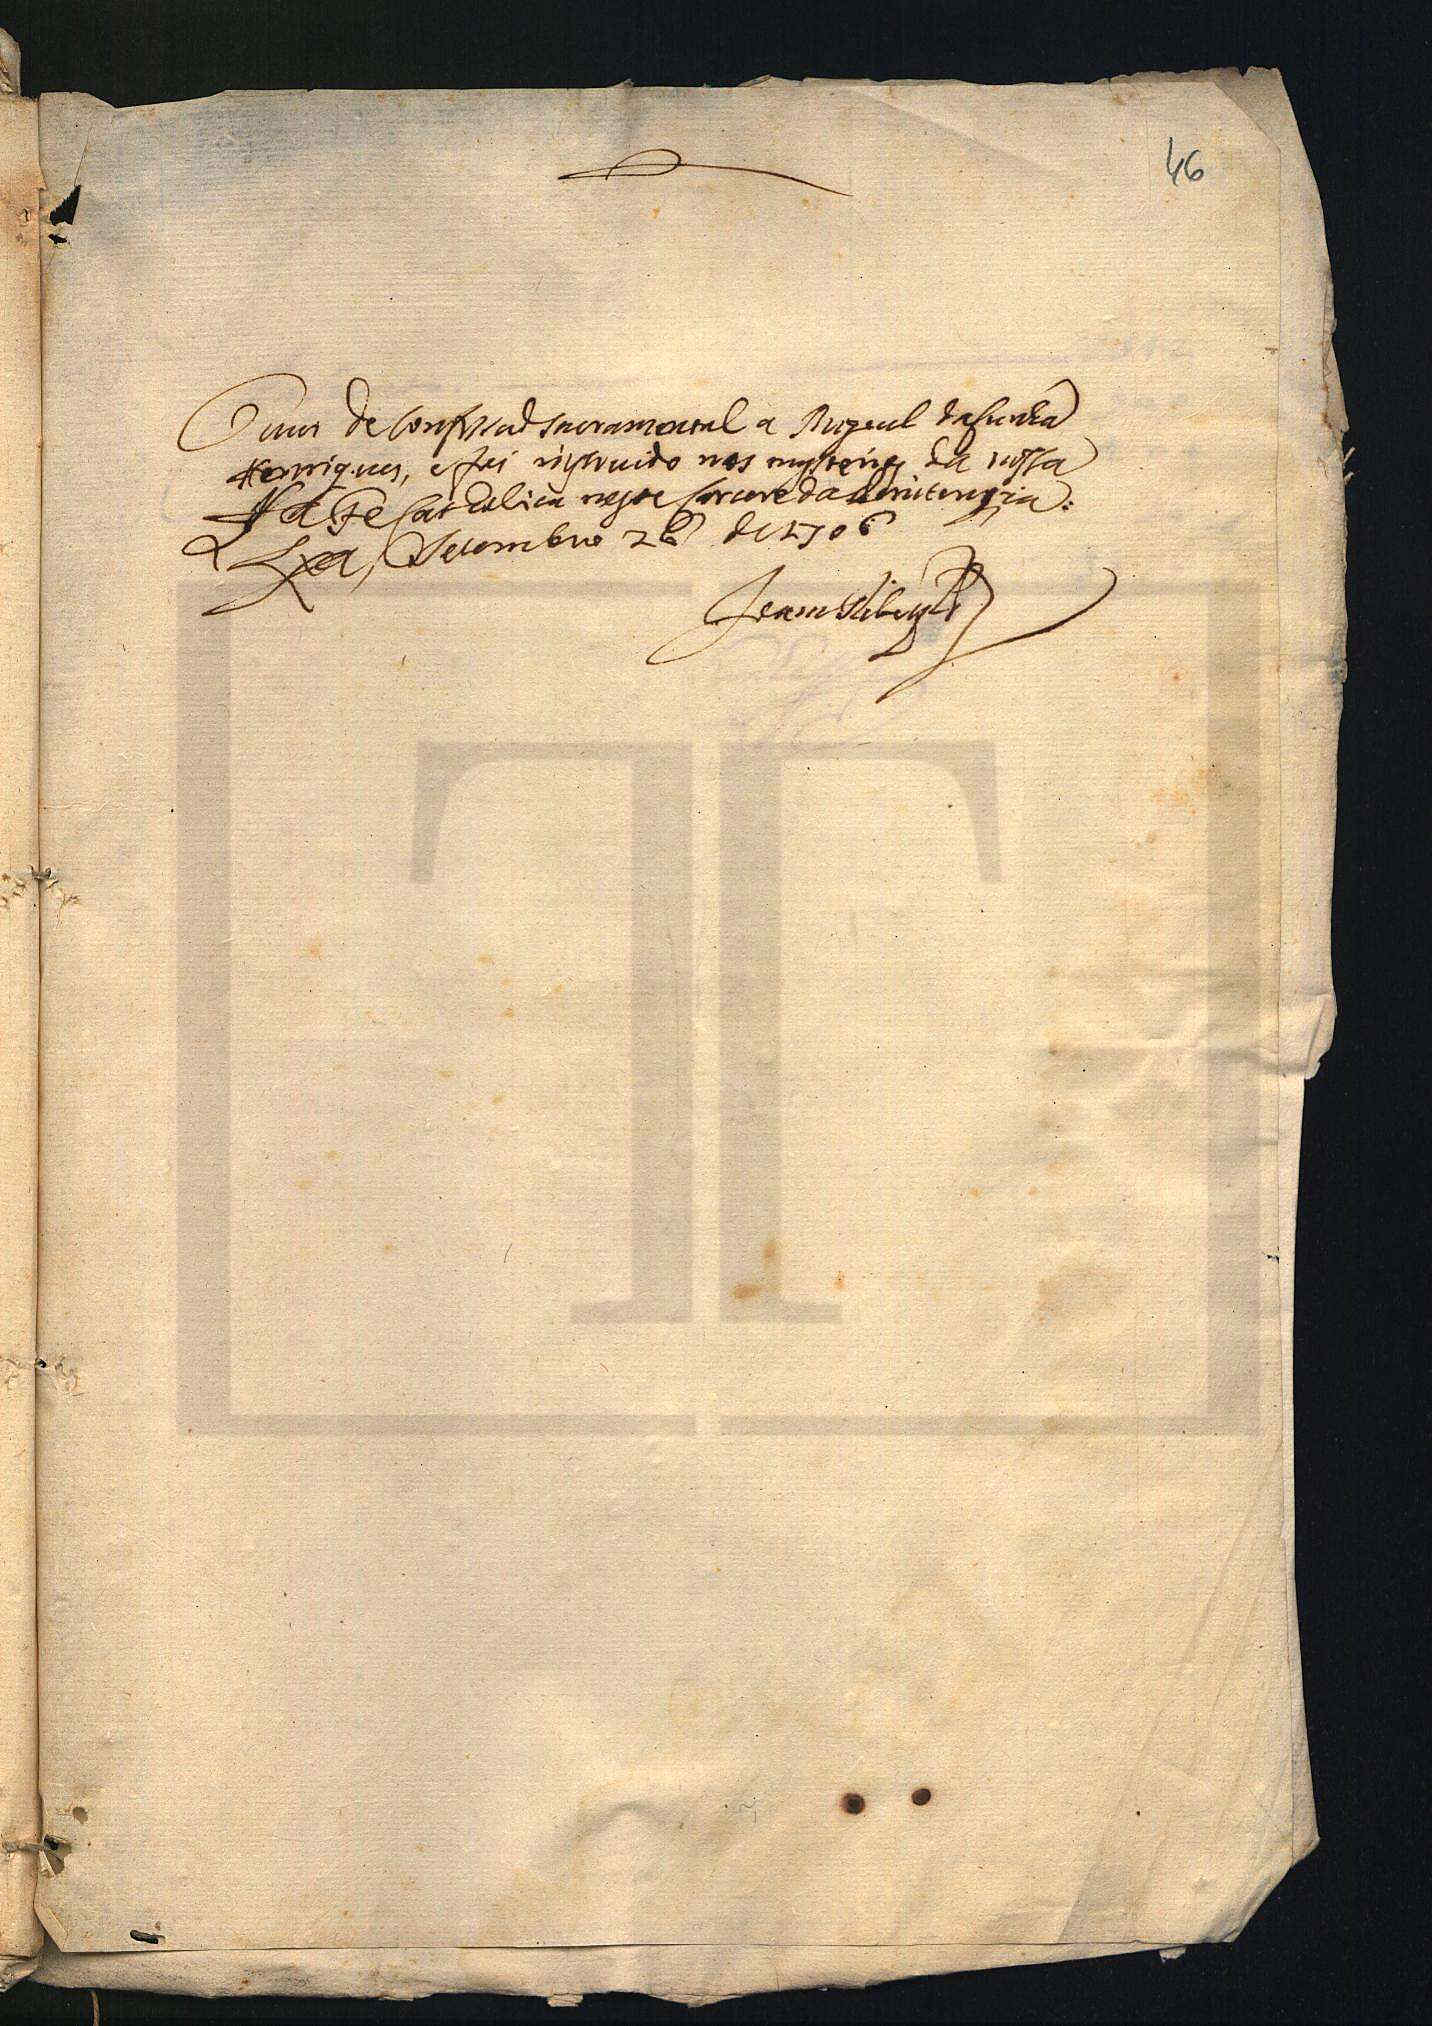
Ouui de confissaõ sacramental a Miguel da Cunha
Henriques, e foi instruido nos mysterios da nossa
sta Fe Catholica neste Carcere da Penitensia:
Lxa, Setembro 26 de 1706
Joam RibeyRo
